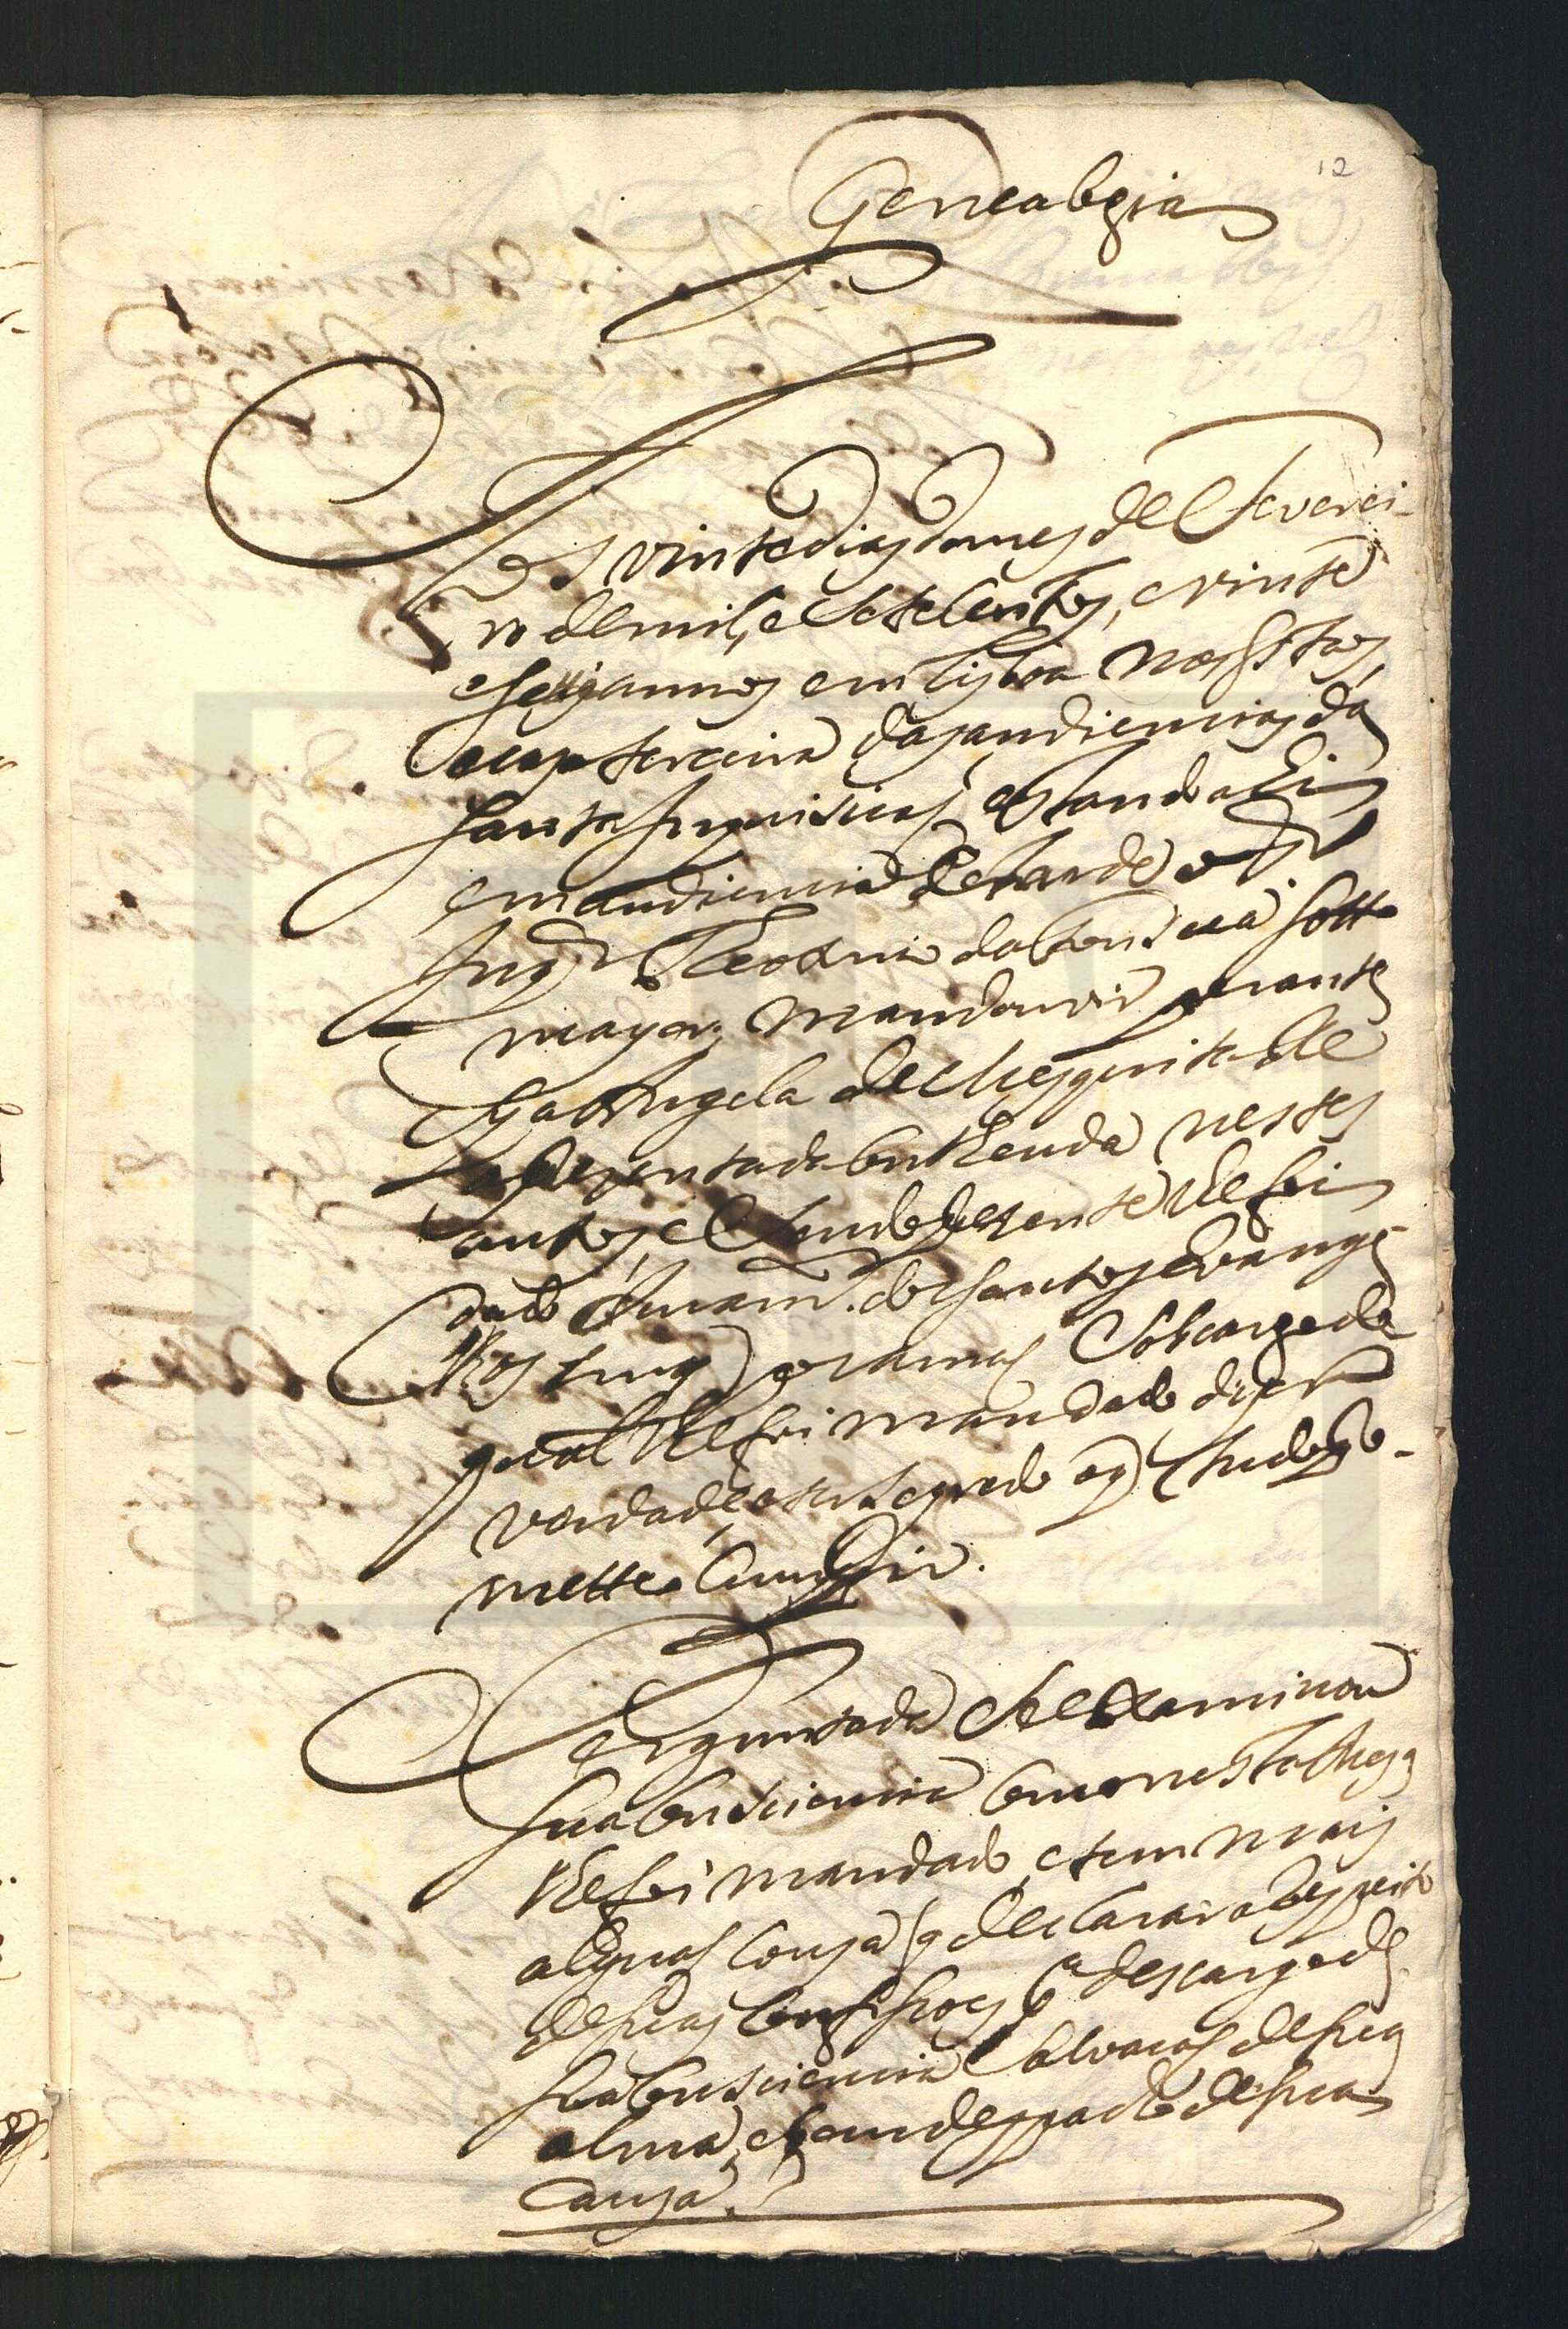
Genealogia
Aos vinte dias do mes de Feverei
ro de mil, e Setecentos, e vinte
e sette annos em lisboa nos estaos,
e casa terceira das audiencias da
santa Jnquisiçaõ estando ahi
em audiencia de tarde o s.or
Jnq.or Theotonio da Fonseca sotto
mayor; mandou vir perante
sy a Angela de Mesquita Re
aprezentada contheuda nestes
autos, e Sendo prezente lhe foi
dado Juramento dos sanctos Evange
lhos em q̄ pos a maõ Sob cargo de
qual lhe foi mandado dizer
verdade, e ter segredo o q̄ tudo pro
metteo cumprir.
Perguntada Se examinou
sus consciencia como nesta Mesa
lhe foi mandado, e tem mais
alguā cousa q̄ declarar a Respeito
de suas confissoes pa descargo de
sua consciencia Salvaçaõ de sua
alma, e bom despacho de sua
causa
